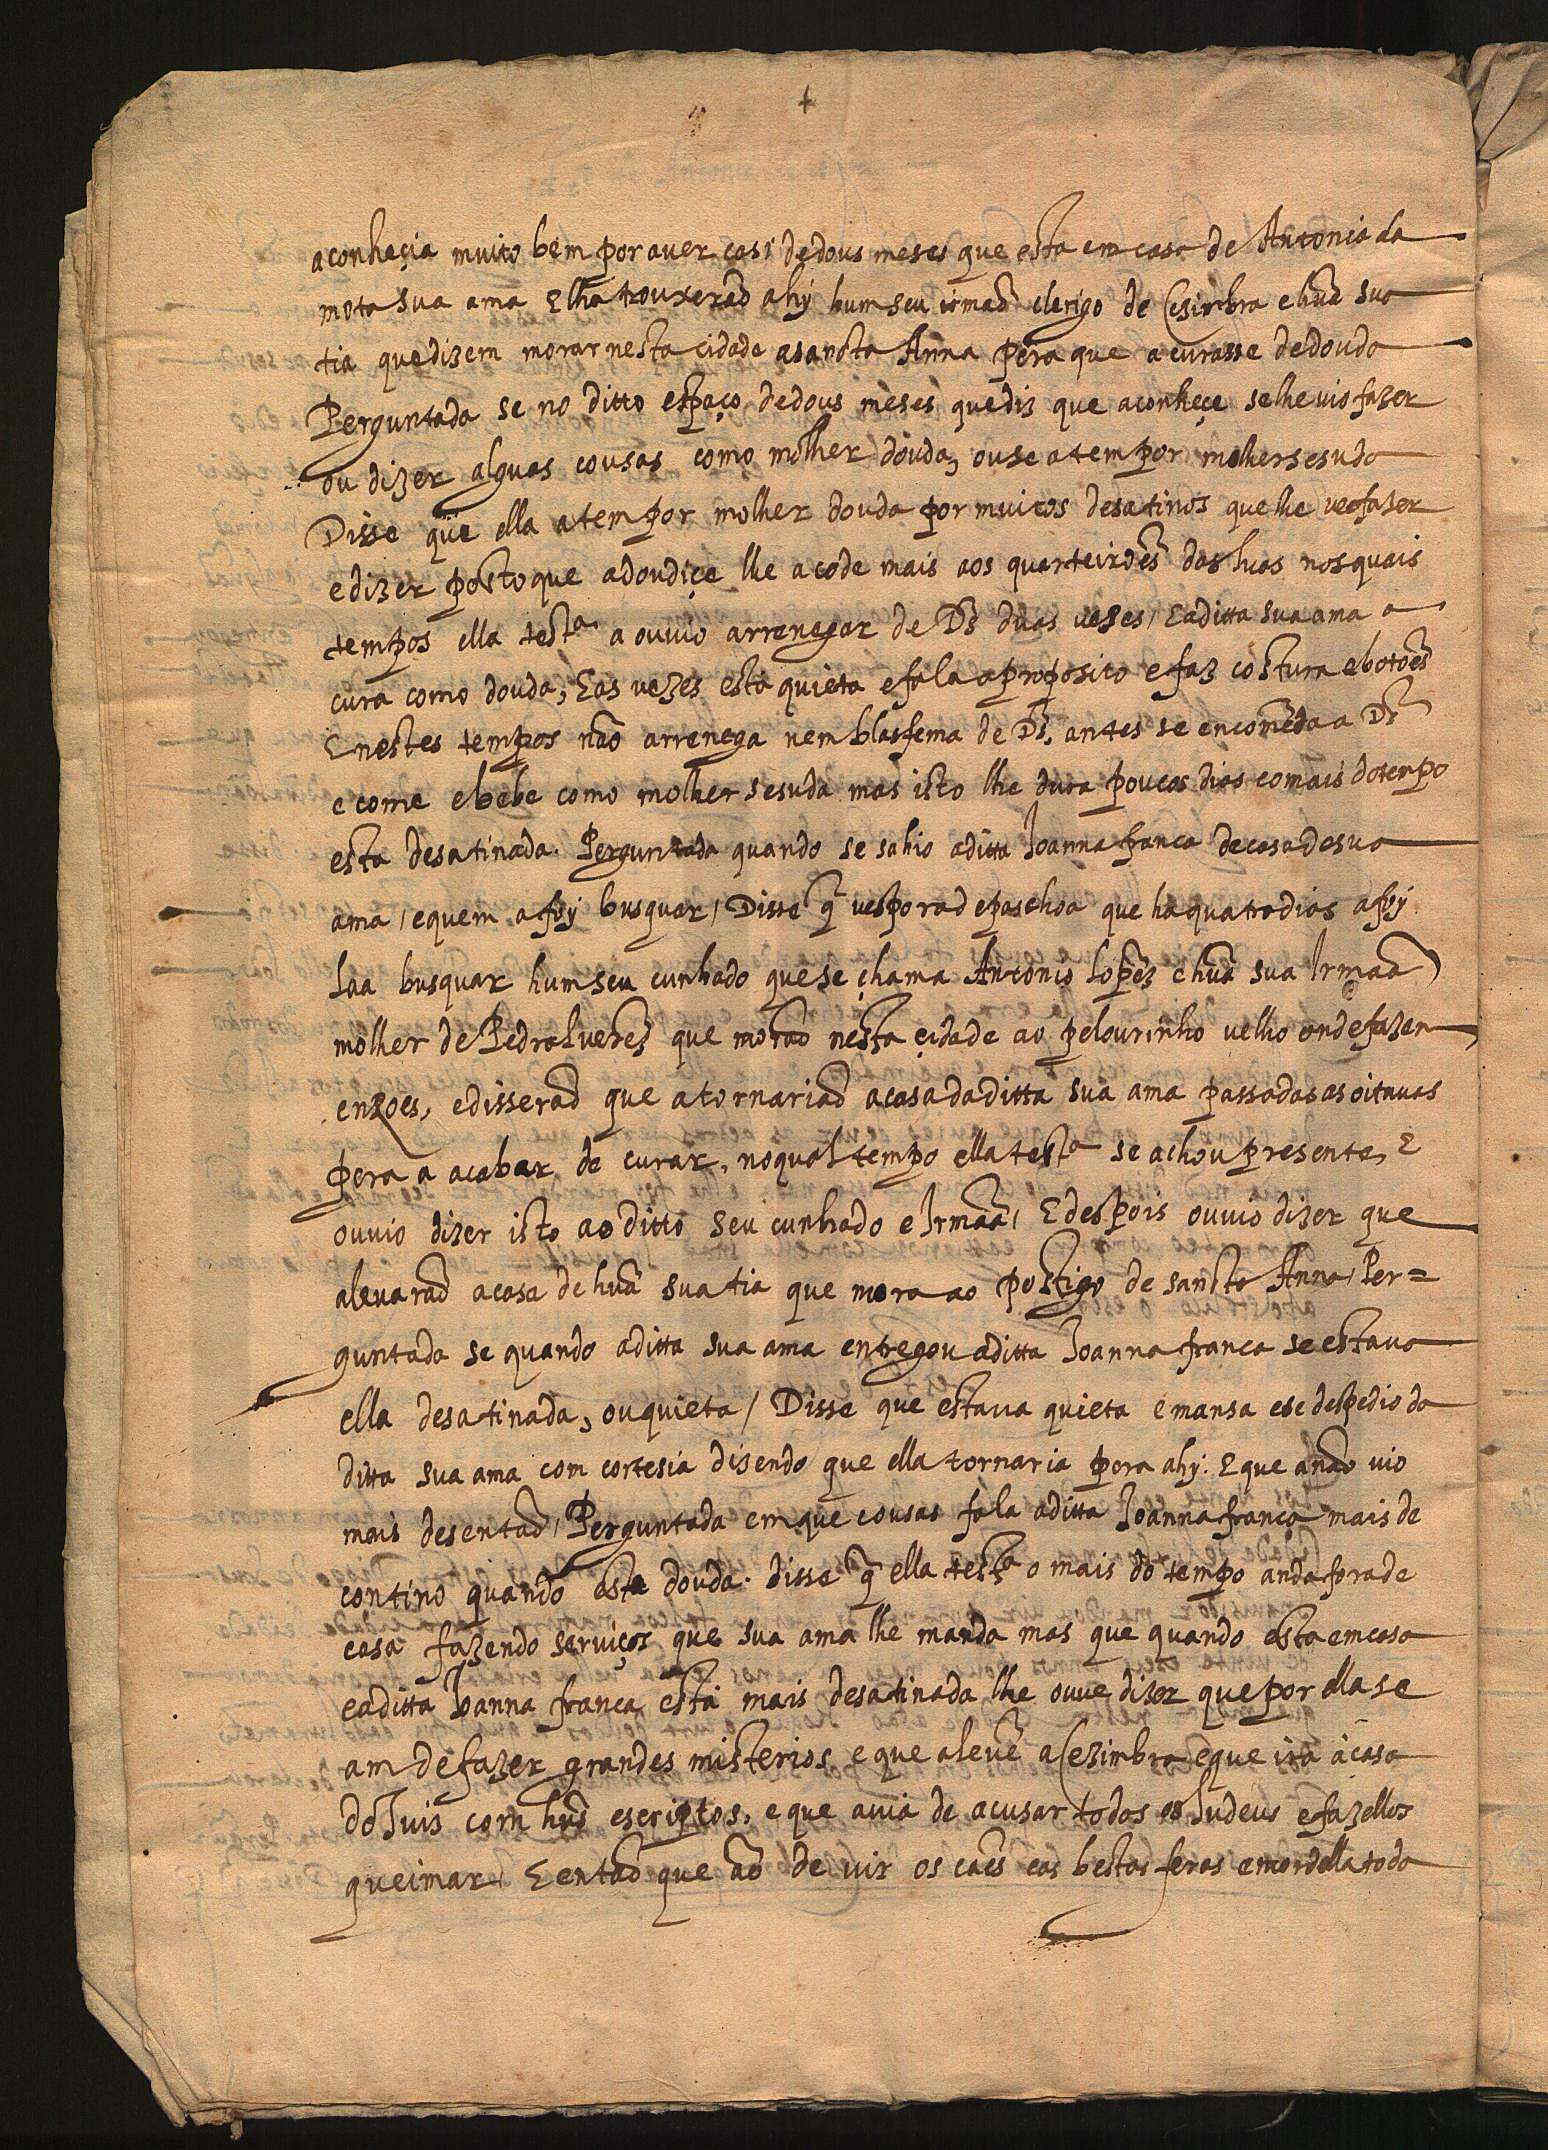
a conhecia muito bem por auer casi de dous meses que esta em casa de Antonia da
mota sua ama E lhe trouxeraõ ahy hum seu irmão clerigo de Cezimbra e huā sua
tia que dizem morar nesta cidade a sancta Anna pera que a curasse de douda
Perguntada se no ditto espaço de dous meses que diz que a conhece se lhe uio fazer
ou dizer alguas cousas como molher douda, ou se a tem por molher sesuda
Disse que ella a tem por molher douda por muitos desatinos que lhe ue fazer
e dizer posto que a doudice lhe acode mais aos quarteiroẽs das luas nos quais
tempos ella testa a ouuio arrenegar de Ds̄ duas vezes / E a ditta sua ama a
cura como douda, E as uezes esta quieta e fala a proposito e faz costura e botoẽs
E nestes tempos não arrenega nem blasfema de Ds̄, antes se encom̄enda a Ds̄
e come e bebe como molher sesuda mas isto lhe dura poucos dias e o mais do tenpo
esta desatinada. Perguntada quando se sahio a ditta Ioanna franca de casa de sua
ama / e quem a foy busquar / Disse q̄ uespora de paschoa que ha quatro dias a foy
laa busquar hum seu cunhado que se chama Antonio Lopez e huā sua Irmaā
molher de Pedralueres que morão nesta cidade ao pelourinho uelho onde fazem
enzoes, e disserão que a tornarião a casa da ditta sua ama passadas as oitauas
pera a acabar de curar, no qual tempo ella testa se achou presente E
ouuio dizer isto ao ditto seu cunhado e Irmāa / E despois ouuio dizer que
a leuarão a casa de huā sua tia que mora ao postigo de sancta Anna, Per
guntada se quando a ditta sua ama entregou a ditta Ioanna franca se estaua
ella desatinada, ou quieta / Disse que estaua quieta e mansa e se despedio da
ditta sua ama com cortesia dizendo que ella tornaria pera ahy E que a não uio
mais des então / Perguntada em que cousas fala a ditta Ioanna franca mais de
contino quando esta douda. disse q̄ ella testa o mais do tempo anda fora de
casa fazendo seruiços que sua ama lhe manda mas que quando esta em casa
e a ditta Ioanna franca esta mais desatinada lhe ouue dizer que por ella se
am de fazer grandes misterios e que a leuē a Cezimbra e que ira à casa
do Iuiz com hūs escriptos, e que auia de acusar todos os Iudeus e fazellos
queimar E então que ão de uir os caẽs e as bestas feras e mordella toda
